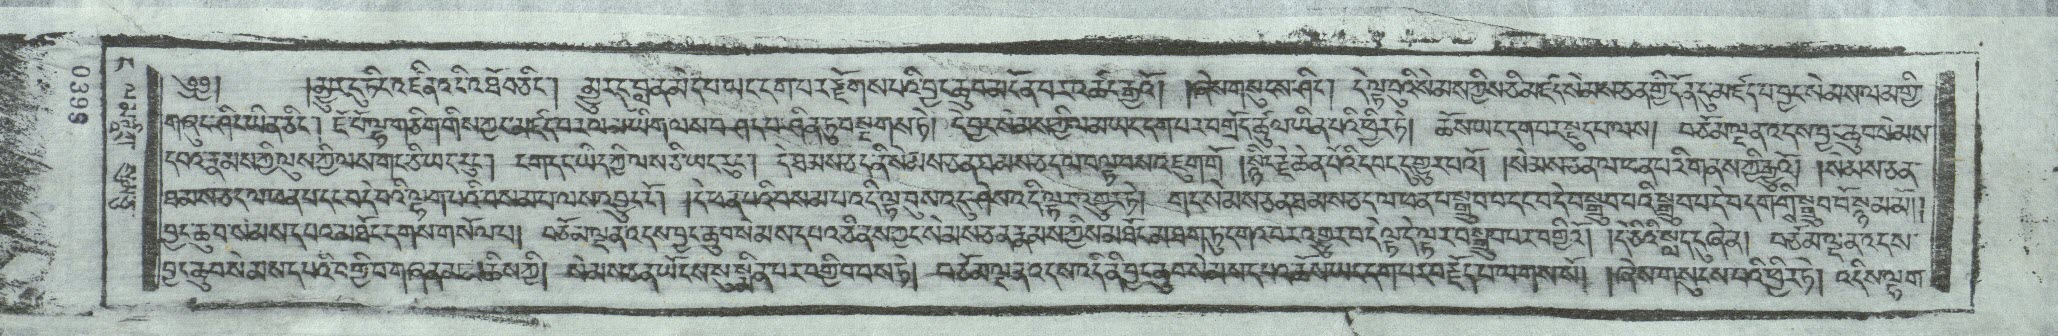༄༅། །མྱུར་དུ་ཏིང་འཛིན་འདི་འཐོབ་ཅིང་། མྱུར་དང་བླ་ན་མེད་པ་ཡང་དག་པར་རྫོགས་པའི་བྱང་ཆུབ་མངོན་པར་འཚང་རྒྱའོ། །ཞེས་གསུངས་ཤིང་། དེ་ལྟ་བུའི་སེམས་ཀྱིས་ཅི་མཛད་སེམས་ཅན་གྱི་དོན་དུ་མཛད་པ་བྱང་སེམས་ལམ་གྱི་
གཞུང་ཤིང་ཡིན་ཅིང་། ཇོ་བོ་ལྷ་གཅིག་གིས་ཀྱང་མཛད་པར་ལམ་ཡིག་ལས་བཤད་པ་ཤིན་ཏུ་བསྔགས་ཏེ། དེ་བྱང་སེམས་ཀྱི་ལམ་ཡང་དག་པར་བགྲོད་ཚུལ་ཡིན་པའི་ཕྱིར་ཏེ། ཆོས་ཡང་དག་པར་སྡུད་པ་ལས། བཅོམ་ལྡན་འདས་བྱང་ཆུབ་སེམས་
དཔའ་རྣམས་ཀྱི་ལུས་ཀྱི་ལས་གང་ཅི་ཡང་རུང་། ངག་དང་ཡིད་ཀྱི་ལས་ཅི་ཡང་རུང་། དེ་ཐམས་ཅད་ནི་སེམས་ཅན་ཐམས་ཅད་ལ་བལྟ་བས་འཇུག་གོ །སྙིང་རྗེ་ཆེན་པོའི་དབང་དུ་གྱུར་པའོ། །སེམས་ཅན་ལ་ཕན་པའི་གནས་ཀྱི་རྒྱུའོ། །སེམས་ཅན་
ཐམས་ཅད་ལ་ཕན་པ་དང་བདེ་བའི་ལྷག་པའི་བསམ་པ་ལས་འབྱུང་ངོ། །དེ་ཕན་པའི་བསམ་པ་འདི་ལྟ་བུས་འདུ་ཤེས་འདི་ལྟར་འགྱུར་ཏེ། གང་སེམས་ཅན་ཐམས་ཅད་ལ་ཕན་པ་སྒྲུབ་པ་དང་བདེ་བ་སྒྲུབ་པའི་སྒྲུབ་པ་དེ་བདག་གིས་སྒྲུབ་བོ་སྙམ་མོ།
བྱང་ཆུབ་སེམས་དཔའ་མཐོང་དགས་གསོལ་པ། བཅོམ་ལྡན་འདས་བྱང་ཆུབ་སེམས་དཔའ་ཅི་ནས་ཀྱང་སེམས་ཅན་རྣམས་ཀྱིས་མཐོང་མ་ཐག་ཏུ་དགའ་བར་འགྱུར་བ་དེ་ལྟ་དེ་ལྟར་བསྒྲུབ་པར་བགྱིའོ། །དེ་ཅིའི་སླད་དུ་ཞེ་ན། བཅོམ་ལྡན་འདས་
བྱང་ཆུབ་སེམས་དཔའི་བགྱི་བ་གཞན་མ་མཆིས་ཀྱི། སེམས་ཅན་ཡོངས་སུ་སྨིན་པར་བགྱི་བ་བས་ཏེ། བཅོམ་ལྡན་འདས་འདི་ནི་བྱང་ཆུབ་སེམས་དཔའ་ཆོས་ཡང་དག་པར་བརྗོད་པ་ལགས་སོ། །ཞེས་གསུངས་པའི་ཕྱིར་ཏེ། འདིས་ལྷག་